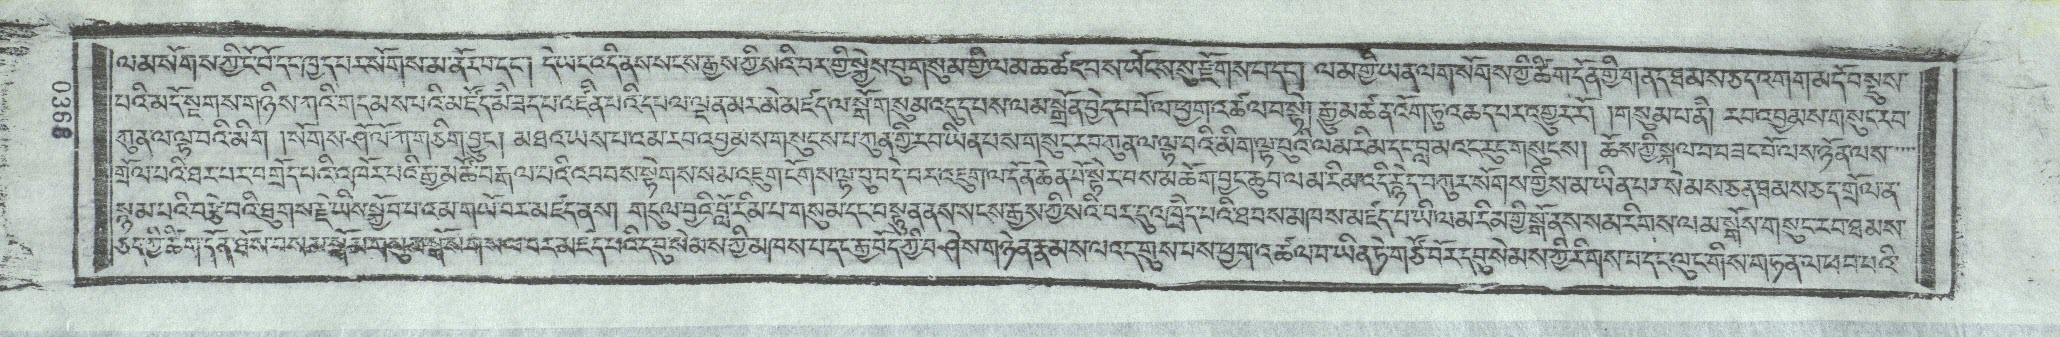ལམ་སོགས་ཀྱི་ངོ་པོ་དང་ཁྱད་པར་སོགས་མ་ནོར་པ་དང་། དེ་ཡང་འདི་ནས་སངས་རྒྱས་ཀྱི་སའི་པར་གྱི་སྐྱེས་བུ་གསུམ་གྱི་ལམ་ཆ་ཚང་པས་ཡོངས་སུ་རྫོགས་པ་དང་། ལམ་གྱི་ཡན་ལག་སོགས་ཀྱི་ཚིག་དོན་གྱི་གནད་ཐམས་ཅད་འགག་མདོ་བསྡུས་
པའི་མདོ་སྔགས་གཉིས་ཀའི་གདམས་པའི་མཛོད་མི་ཟད་པ་འཛིན་པའི་དཔལ་ལྡན་མར་མེ་མཛད་ལ་སྒོ་གསུམ་འདུད་པས་ལམ་སྒྲོན་བྱེད་པ་པོ་ལ་ཕྱག་འཚལ་པ་སྟེ། རྒྱུ་མཚན་འོག་ཏུ་འཆད་པར་འགྱུར་རོ། །གསུམ་པ་ནི། རབ་འབྱམས་གསུང་རབ་
ཀུན་ལ་ལྟ་པའི་མིག །སོགས་ཤོ་ལོ་ཀ་གཅིག་བྱུང་། མཐའ་ཡས་པའམ་རབ་འབྱམས་གསུངས་པ་ཀུན་གྱི་རབ་ཡིན་པས་གསུངས་རབ་ཀུན་ལ་ལྟ་བའི་མིག་ལྟ་བུའི་ལམ་རིམ་དང་བླ་མའང་རུང་གསུངས། ཆོས་ཀྱི་སྐལ་པ་བཟང་པོ་ལས་ཉོན་ལས་
གྲོལ་པའི་ཐར་པར་བགྲོད་པའི་འཁོར་པའི་རྒྱ་མཚོ་རྒལ་པའི་འབབས་པས་སྟེགས་སམ་འཇུག་དོགས་ལྟ་བུ་བདེ་པར་འཇུག་ལ་དོན་ཆེན་པོ་སྟེར་བས་མཆོག་བྱང་ཆུབ་ལམ་རིམ་འདི་རྙེད་བཀུར་སོགས་གྱིས་མ་ཡིན་པར་སེམས་ཅན་ཐམས་ཅད་གྲོལ་ན་
སྙམ་པའི་བརྩེ་པའི་ཐུགས་རྗེ་ཡིས་སྐྱོབ་པའམ་གཡོ་བར་མཛད་ནས། གདུལ་བྱའི་བློ་རིམ་པ་གསུམ་དང་བསྟུན་ནས་སངས་རྒྱས་ཀྱི་སའི་བར་དུ་འཁྲིད་པའི་ཐབས་མཁས་མཛད་པ་ཡི་ལམ་རིམ་གྱི་སྒོ་ནས་མ་རིགས་ལམ་སྒོས་གསུང་རབ་ཐམས་
ཅད་ཀྱི་ཚིག་དོན་ཐོས་བསམ་སྒོམ་གསུམ་སྒོས་གསལ་བར་མཛད་པའི་དབུ་སེམས་ཀྱི་མཁས་པ་དང་རྒྱ་བོད་ཀྱི་བཤེས་གཉེན་རྣམས་ལའང་གུས་པས་ཕྱག་འཚལ་བ་ཡིན་ཏེ་གཙོ་བོར་དབུ་སེམས་ཀྱི་རིགས་པ་དང་ལུང་གིས་གཏན་ལ་ཕབ་པའི་